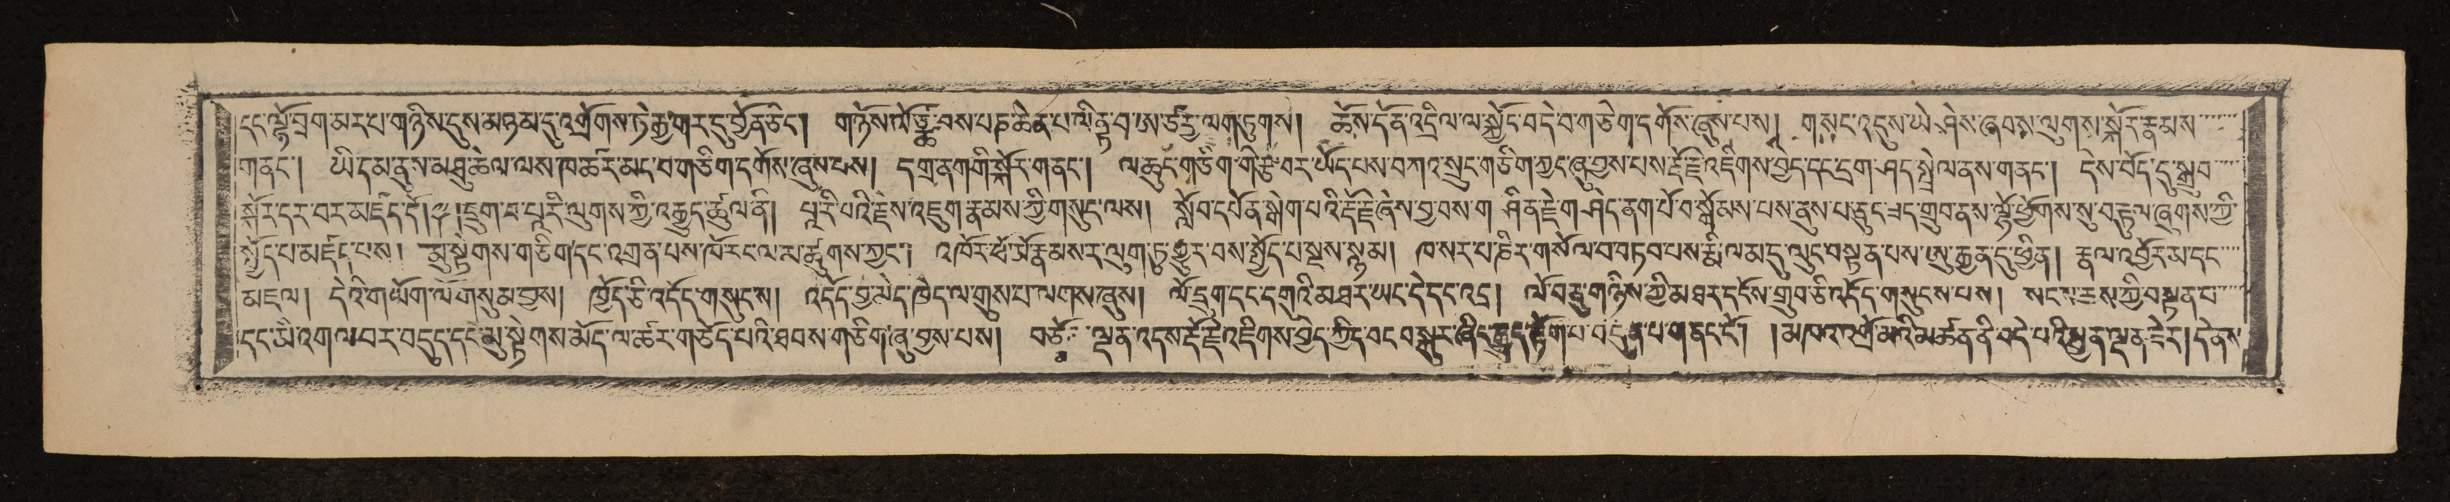དང་ལྷོ་བྲག་མ་རབ་གཉིས་དུས་མཉམ་དུ་འགྲོགས་ཏེ་རྒྱ་གར་དུ་བྱོན་ཅིང་། གཉོས་ལོཙྪ་བས་པཎ་ཆེན་པོ་ལིནྟ་པ་ཨཙ་རྱ་ལག་ཏུགས། ཆོས་དོན་འདྲིལ་ལ་སྐྱོང་བདེ་བ་གཅིག་དགོས་ཞུས་པས། གསང་འདུས་ཡེ་ཤེས་ཞབས་ལུགས་སྐོར་རྣམས་
གནང་། ཡི་དམ་ནུས་མཐུ་ཆེ་ལ་ལས་ཁ་ཚར་མང་བ་གཅིག་དགོས་ཞུས་པས། དགྲ་ནག་གི་སྐོར་གནང་། ལ་ཆུང་གཅིག་གི་རྩ་བར་ཡོད་པས་བཀའ་སྲུང་གཅིག་ཀྱང་ཞུ་བྱས་པས་རྡོ་རྗེ་འཇིགས་བྱེད་དང་དྲག་ཤད་སྦྲེལ་ནས་གནང་། དེས་བོད་དུ་སྒྲུབ་
སྐོར་དར་བར་མཛད་དོ། ༈ །དྲུག་པ་པཱ་རི་ལུགས་ཀྱི་བརྒྱུད་ཚུལ་ནི། བཱ་རི་བའི་རྗེས་འཇུག་རྣམས་ཀྱི་གསུང་ལས། སློབ་དཔོན་སྒེག་པའི་རྡོ་རྗེ་ཞེས་བྱ་བས་གཤིན་རྗེ་གཤེད་ནག་པོ་བསྒོམས་པས་ནུས་པ་ཅུང་ཟད་གྲུབ་ནས་ལྷོ་ཕྱོགས་སུ་བརྟུལ་ཞུགས་ཀྱི་
སྤྱོད་པ་མཛད་པས། མུ་སྟེགས་གཅིག་དང་འགྲན་པས་ཁོ་རང་ལ་མ་ཚུགས་ཀྱང་། འཁོར་ཕོ་མོ་རྣམས་ར་ལུག་ཏུ་གྱུར་པས་སྤྱོད་པ་སྔས་སྙམ། ཁ་སར་བ་ཎིར་གསོལ་བ་བཏབ་པས་རྨི་ལམ་དུ་ལུང་བསྟན་པས་ཨུ་རྒྱན་དུ་ཕྱིན། རྣལ་འབྱོར་མ་དང་
མཇལ། དེའི་གཡོག་ལོ་གསུམ་བྱས། ཁྱོད་ཅི་འདོད་གསུངས། འདོད་བྱ་མེད་ཁྱེད་ལ་གུས་པ་ལགས་ཞུས། ལོ་དྲུག་དང་དགུའི་མཐར་ཡང་དེ་དང་འདྲ། ལོ་བཅུ་གཉིས་ཀྱི་མཐར་དངོས་གྲུབ་ཅི་འདོད་གསུངས་པས། སངས་རྒྱས་ཀྱི་བསྟན་པ་
དང་མི་འགལ་བར་བདུད་དང་མུ་སྟེགས་མོད་ལ་ཚར་གཅོད་པའི་ཐབས་གཅིག་ཞུ་བྱས་པས། བཅོམ་ལྡན་འདས་རྡོ་རྗེ་འཇིགས་བྱེད་ཀྱི་དབང་བསྐུར་ཞིང་རྒྱུད་རྟོག་པ་བདུན་པ་གནང་ངོ། །མཁའ་འགྲོ་མའི་མཚན་ནི་བདེ་བའི་སྤྱན་ལྡན་ཟེར། དེ་ནས་